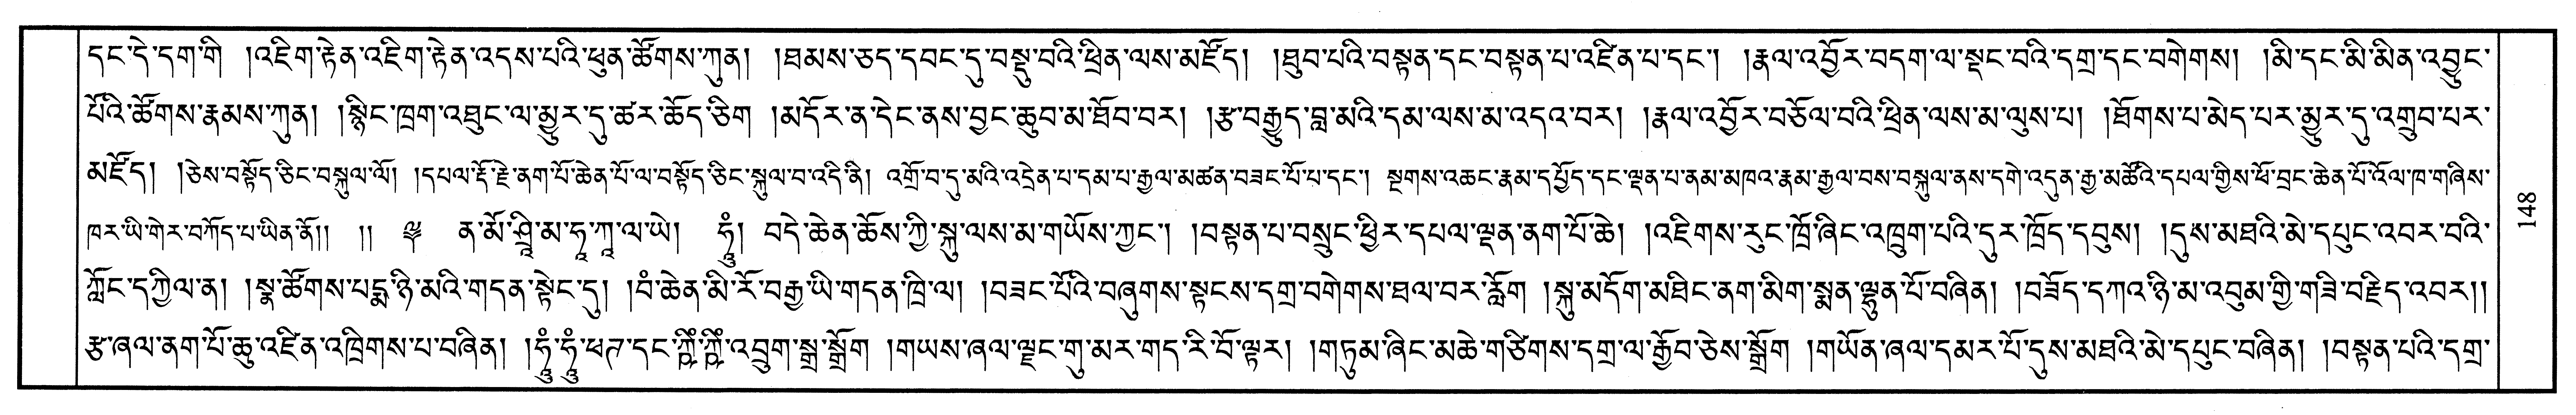དང་དེ་དག་གི །འཇིག་རྟེན་འཇིག་རྟེན་འདས་པའི་ཕུན་ཚོགས་ཀུན། །ཐམས་ཅད་དབང་དུ་བསྡུ་བའི་ཕྲིན་ལས་མཛོད། །ཐུབ་པའི་བསྟན་དང་བསྟན་པ་འཛིན་པ་དང་། །རྣལ་འབྱོར་བདག་ལ་སྡང་བའི་དགྲ་དང་བགེགས། །མི་དང་མི་མིན་འབྱུང་
པོའི་ཚོགས་རྣམས་ཀུན། །སྙིང་ཁྲག་འཐུང་ལ་མྱུར་དུ་ཚར་ཆོད་ཅིག །མདོར་ན་དེང་ནས་བྱང་ཆུབ་མ་ཐོབ་བར། །རྩ་བརྒྱུད་བླ་མའི་དམ་ལས་མ་འདའ་བར། །རྣལ་འབྱོར་བཅོལ་བའི་ཕྲིན་ལས་མ་ལུས་པ། །ཐོགས་པ་མེད་པར་མྱུར་དུ་འགྲུབ་པར་
མཛོད། །ཅེས་བསྟོད་ཅིང་བསྐུལ་ལོ། །དཔལ་རྡོ་རྗེ་ནག་པོ་ཆེན་པོ་ལ་བསྟོད་ཅིང་སྐུལ་བ་འདི་ནི། འགྲོ་བ་དུ་མའི་འདྲེན་པ་དམ་པ་རྒྱལ་མཚན་བཟང་པོ་པ་དང་། སྔགས་འཆང་རྣམ་དཔྱོད་དང་ལྡན་པ་ནམ་མཁའ་རྣམ་རྒྱལ་བས་བསྐུལ་ནས་དགེ་འདུན་རྒྱ་མཚོའི་དཔལ་གྱིས་ཕོ་བྲང་ཆེན་པོ་འོལ་ཁ་གཞིས་
ཁར་ཡི་གེར་བཀོད་པ་ཡིན་ནོ།། །། ༈ ན་མོ་ཤྲཱི་མ་ཧཱ་ཀཱ་ལ་ཡེ། ཧཱུཾ། བདེ་ཆེན་ཆོས་ཀྱི་སྐུ་ལས་མ་གཡོས་ཀྱང་། །བསྟན་པ་བསྲུང་ཕྱིར་དཔལ་ལྡན་ནག་པོ་ཆེ། །འཇིགས་རུང་ཁྲོ་ཞིང་འཁྲུག་པའི་དུར་ཁྲོད་དབུས། །དུས་མཐའི་མེ་དཔུང་འབར་བའི་
ཀློང་དཀྱིལ་ན། །སྣ་ཚོགས་པདམ་ཉི་མའི་གདན་སྟེང་དུ། །བཾ་ཆེན་མི་རོ་བརྒྱ་ཡི་གདན་ཁྲི་ལ། །བཟང་པོའི་བཞུགས་སྟངས་དགྲ་བགེགས་ཐལ་བར་རློག །སྐུ་མདོག་མཐིང་ནག་མིག་སྨན་ལྷུན་པོ་བཞིན། །བཟོད་དཀའ་ཉི་མ་འབུམ་གྱི་གཟི་བརྗིད་འབར།།
རྩ་ཞལ་ནག་པོ་ཆུ་འཛིན་འཁྲིགས་པ་བཞིན། །ཧཱུཾ་ཧཱུཾ་ཕཊ་དང་ཀྵིཾ་ཀྵིཾ་འབྲུག་སྒྲ་སྒྲོག །གཡས་ཞལ་ལྗང་གུ་མར་གད་རི་བོ་ལྟར། །གཏུམ་ཞིང་མཆེ་གཙིགས་དགྲ་ལ་རྒྱོབ་ཅེས་སྒྲོག །གཡོན་ཞལ་དམར་པོ་དུས་མཐའི་མེ་དཔུང་བཞིན། །བསྟན་པའི་དགྲ་